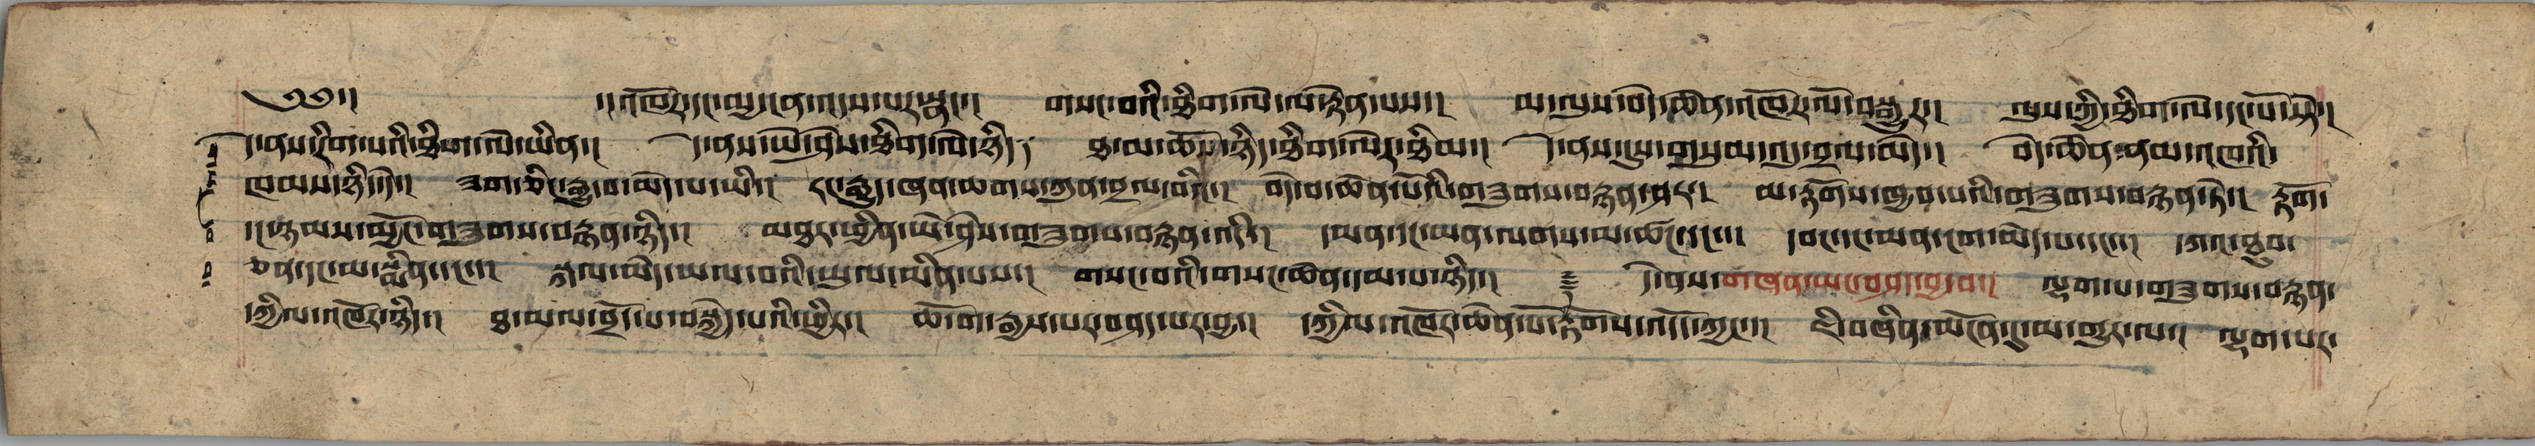༄༅་། ་།འཁོར་དང་མྱ་ངན་འདས་པར་སྣང་། གསང་བའི་ཐིག་ལེ་ལ་རྟེན་པས་། མ་ལུས་བདེ་ཆེན་འཁོར་ལོ་བསྒྱུར་། ལུས་ཀྱི་ཐིག་ལེ་དང་པོ་སྟེ་།
དེ་ནས་རིགས་པའི་ཐིག་ལེ་ཡིན་། དེ་ནས་ཡེ་ཤེས་ཐིག་ལེ་ཉིད་། ཐ་མ་ཆོས་ཉིད་ཐིག་ལེར་ཐིམ་། དེ་ནས་དུས་གསུམ་འདུ་བྲལ་མེད་། བདེ་ཆེན་ནམ་མཁའི་
ཁམས་ཉིད་དེ་། ཟག་ཅིང་རྒྱུ་བ་མེད་པ་ཡི་། རང་རྒྱུད་ཞན་ཆགས་ཀུན་བྲལ་བའི་། བདེ་བ་ཆེན་པོའི་གཟུགས་བརྙན་ཤར་། མ་རྟོགས་ཁྱབ་པའི་གཟུགས་བརྙན་ཏེ་། རྟོག་
དང་ཉམས་མྱོང་གཟུགས་བརྙན་ཉིད་། མཐར་ཕྱིན་ཡེ་ཤེས་གཟུགས་བརྙན་འདི་། དམན་དང་ཡན་ལགས་མ་ཚང་དང་་། དབང་དང་མན་ངག་མེད་པ་དང་་། དཀའ་ཐུབ་
ཅན་དང་མ་སྨིན་དང་་། སྐལ་མེད་ཡལ་བའི་ཡུལ་མིན་པས་། གསང་བའི་གསང་ཆེན་དམ་པ་ཉིད་། ࿑ དེ་ནས་གཞན་ཡང་བཤད་བྱ་བ་། ལྷག་པ་གཟུགས་བརྙན་
དཀྱིལ་འཁོར་ཉིད་། ཐ་མལ་བྲོད་པ་བསྐྱེད་པའི་ཕྱིར་། ཆོ་ག་རྒྱས་པར་བཤད་པར་བྱ་། དཀྱིལ་འཁོར་ཆེན་པོ་རྟོགས་འདོད་ཀྱང་་། ཇི་བཞིན་མངོན་དུ་མ་གྱུར་ལ་། ལྷག་པར་